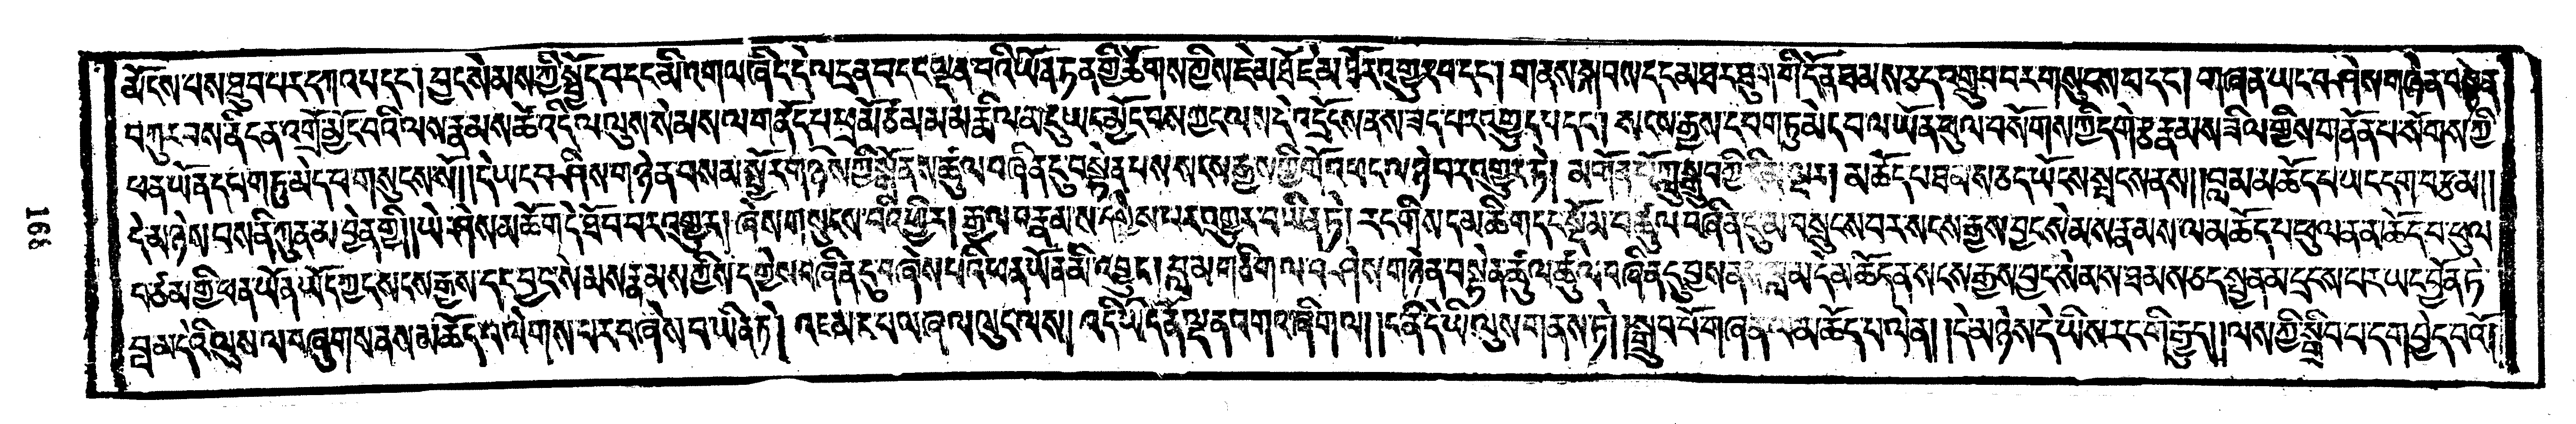མོངས་པས་ཐུབ་པར་དཀའ་བ་དང་། བྱང་སེམས་ཀྱི་སྤྱོད་བ་དང་མི་འགལ་ཞིང་དེ་ལ་དྲན་བ་དང་ལྡན་པའི་ཡོན་ཏན་གྱི་ཚོགས་ཀྱིས་ཇེ་མཐོ་ཛ་མཐོར་འགྱུར་བ་དང་། གནས་སྐབས་དང་མཐར་ཐུག་གི་དོན་ཐམས་ཅད་འགྲུབ་བར་གསུངས་པ་དང་། གཞན་ཡང་བཤེས་གཞེན་བསྟེན་
བཀུར་བས་ནི་ངན་འགྲོ་མྱོང་བའི་ལས་རྣམས་ཚེ་འདི་ལ་ལུས་སེམས་ལ་གནོད་པ་ཕྲ་མོ་ཙམ་མ་མ་རྨི་ལམ་དུ་ཡང་མྱོང་བས་ཀྱང་ལས་དེ་འདྲོངས་ནས་ཟད་པར་འགྱུར་པ་དང་། སངས་རྒྱས་དཔག་ཏུ་མེད་པ་ལ་ཡོན་ཕུལ་བ་སོགས་ཀྱི་དགེ་རྩ་རྣམས་ཟིལ་གྱིས་གནོན་པ་སོགས་ཀྱི་
ཕན་ཡོན་དཔག་ཏུ་མེད་པ་གསུངས་སོ། །དེ་ཡང་བཤིས་གཉེན་བསམ་སྦྱོར་གཉིས་ཀྱི་སྒོ་ནས་ཚུལ་བཞིན་དུ་བསྟེན་པས་སངས་རྒྱས་གྱི་གོ་འཕང་ལ་ཉེ་བར་འགྱུར་ཏེ། མགོན་པོ་ཀླུ་སྒྲུབ་ཀྱི་རིམ་ལྔར། མཆོད་པ་ཐམས་ཅད་ཡོངས་སྤངས་ནས། །བླ་མ་མཆོད་པ་ཡང་དག་བརྩམ།།
དེ་མཉེས་པས་ནི་ཀུན་མ་བྱེན་གྱི། །ཡེ་ཤེས་མཆོག་དེ་ཐོབ་པར་འགྱུར། ཞེས་གསུངས་པའི་ཕྱིར། རྒྱལ་བ་རྣམས་དགྱེས་པར་འགྱུར་བ་ཡིན་ཏེ། རང་གིས་དམ་ཚིག་དང་སྡོམ་བ་ཚུལ་བཞིན་དུ་མ་བསྲུངས་པར་སངས་རྒྱས་བྱང་སེམས་རྣམས་ལ་མཆོད་པ་ཕུལ་ན་མཆོད་པ་ཕུལ་
བ་ཙམ་གྱི་ཕན་ཡོན་ཡོད་ཀྱང་སངས་རྒྱས་དང་བྱང་སེམས་རྣམས་ཀྱིས་དགྱེས་བཞིན་དུ་བཞེས་པའི་ཕན་ཡོན་མི་འབྱུང་། བླ་མ་གཅིག་ལ་བཤེས་གཉེན་བསྟེན་ཚུལ་ཚུལ་བཞིན་དུ་བྱས་ནས་བླ་མ་དེ་མཆོད་ན་སངས་རྒྱས་བྱང་སེམས་ཐམས་ཅད་སྤྱན་མ་དྲངས་པར་ཡང་བྱོན་ཏེ་
བླ་མ་དེའི་ལུས་ལ་བཞུགས་ནས་མཆོད་བ་ལེགས་པར་བཞེས་པ་ཡིན་ཏེ། འཇམ་དཔལ་ཞལ་ལུང་ལས། འདི་ཡོད་ནོ་ལྡན་འགའ་ཞིག་ལ། །ད་ནི་དེ་ཡི་ལུས་གནས་ཏེ། །སྒྲུབ་པོ་གཞན་ལ་མཆོད་པ་ལེན། །དེ་མཉེས་དེ་ཡིས་རང་གི་རྒྱུད། །ལས་ཀྱི་སྒྲིབ་པ་དག་བྱེད་པའོ།